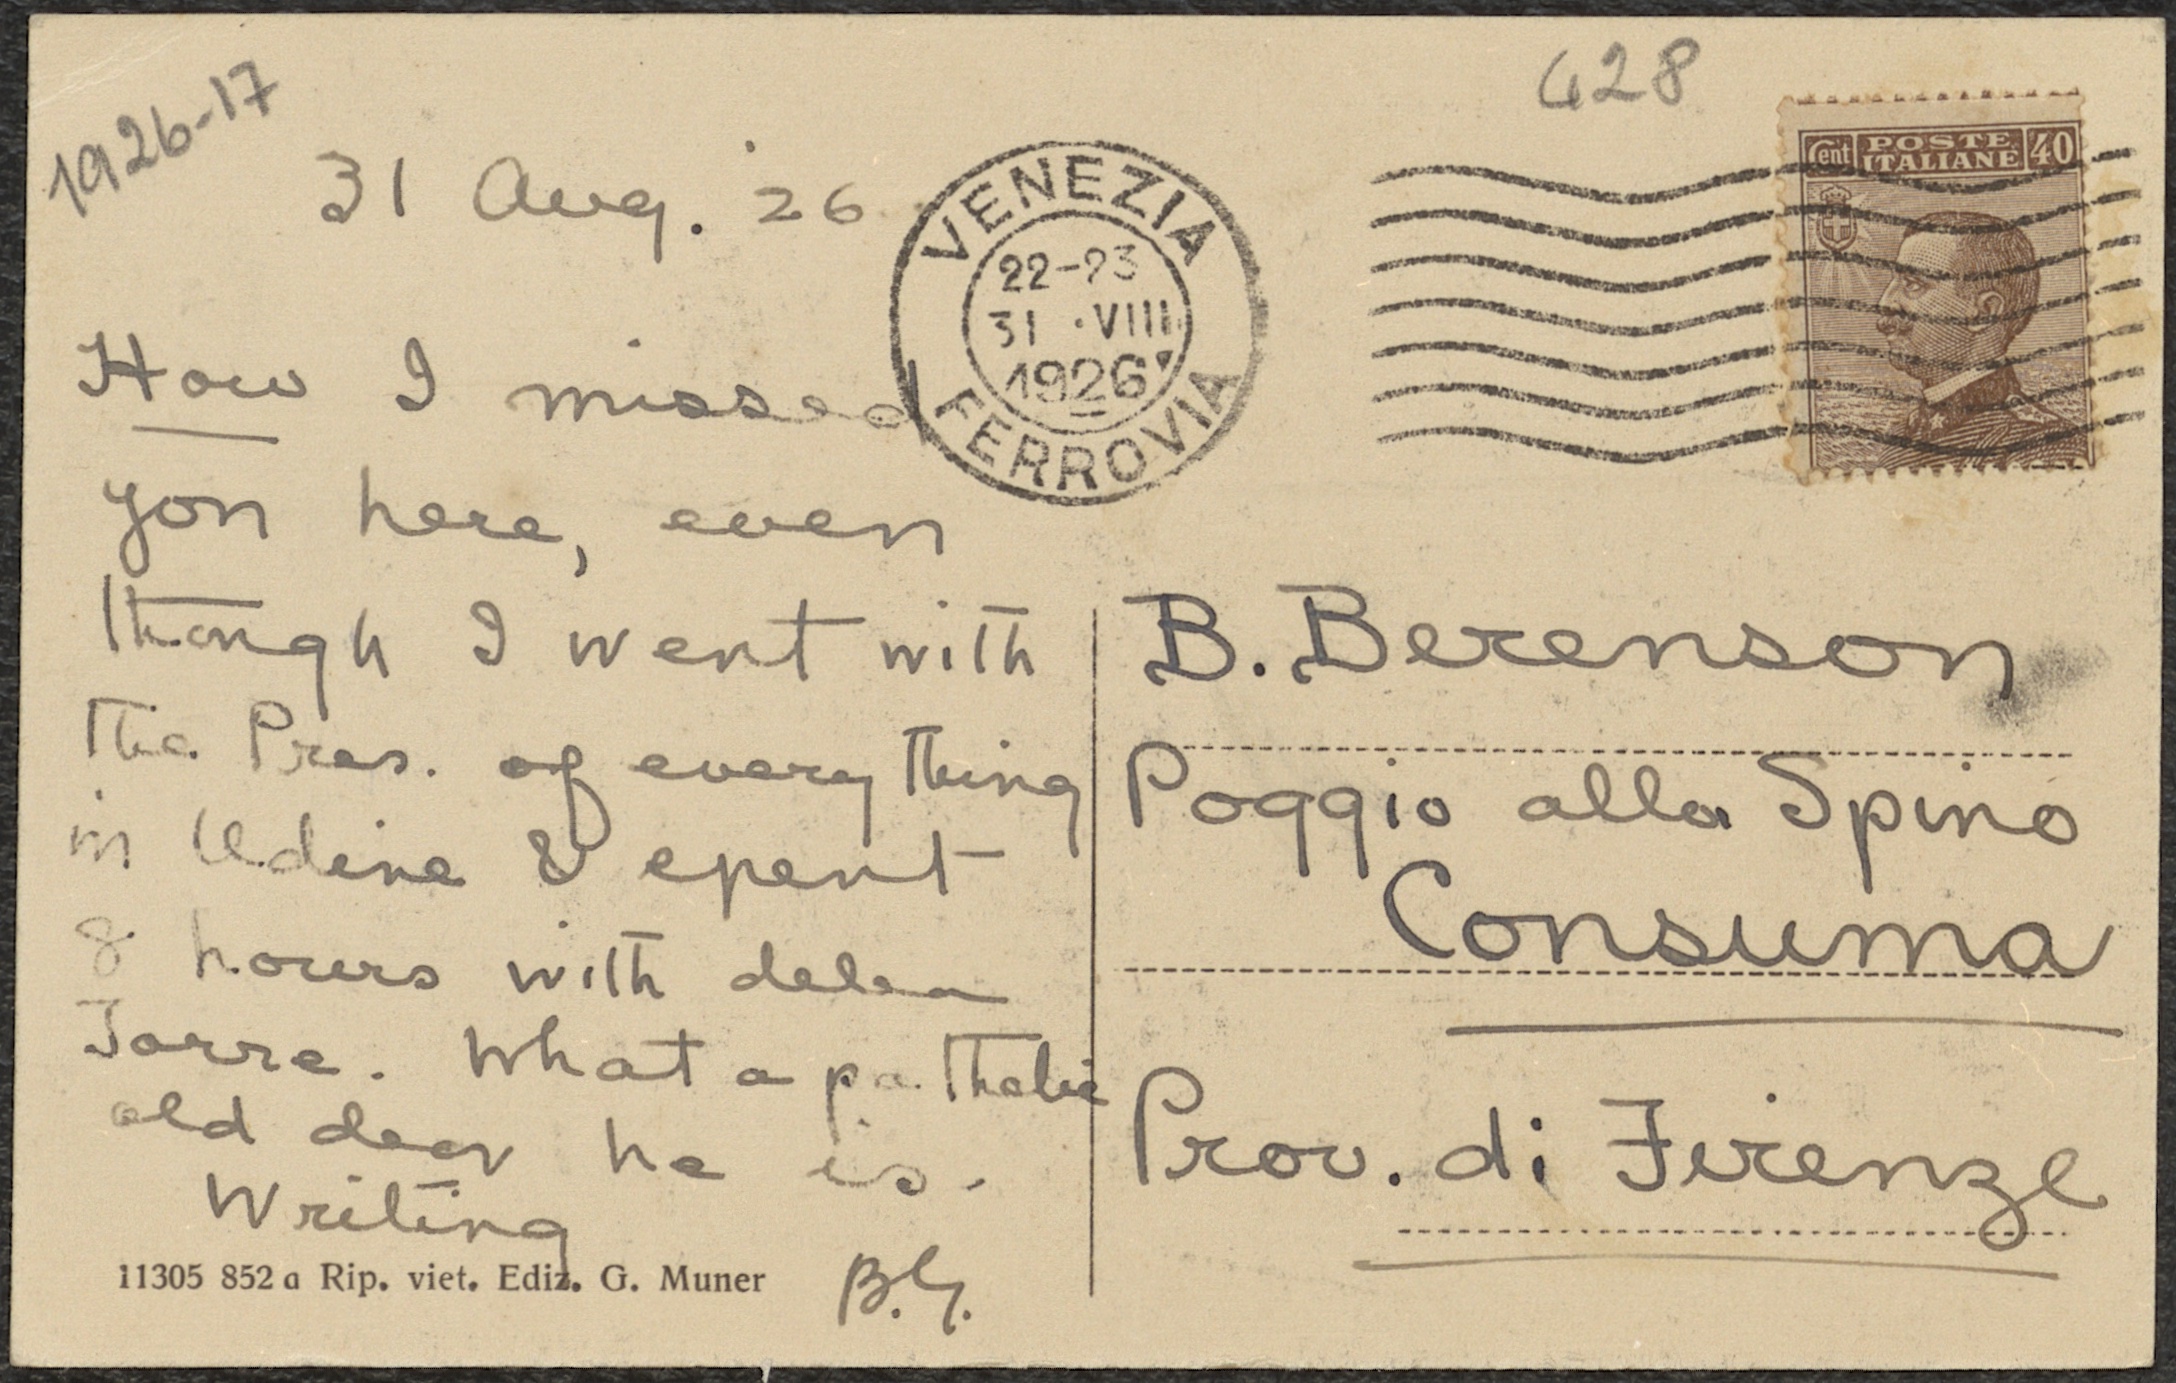31 Aug. 26
How I missed you here, even though I went with the Pres. of everything in Udine & spent
8 hours with della Torre. What a pathetic old dear he is –
Writing
B.G.
[On the right side of the postcard: B. Berenson
Poggio allo Spino
Consuma
Prov. di Firenze]